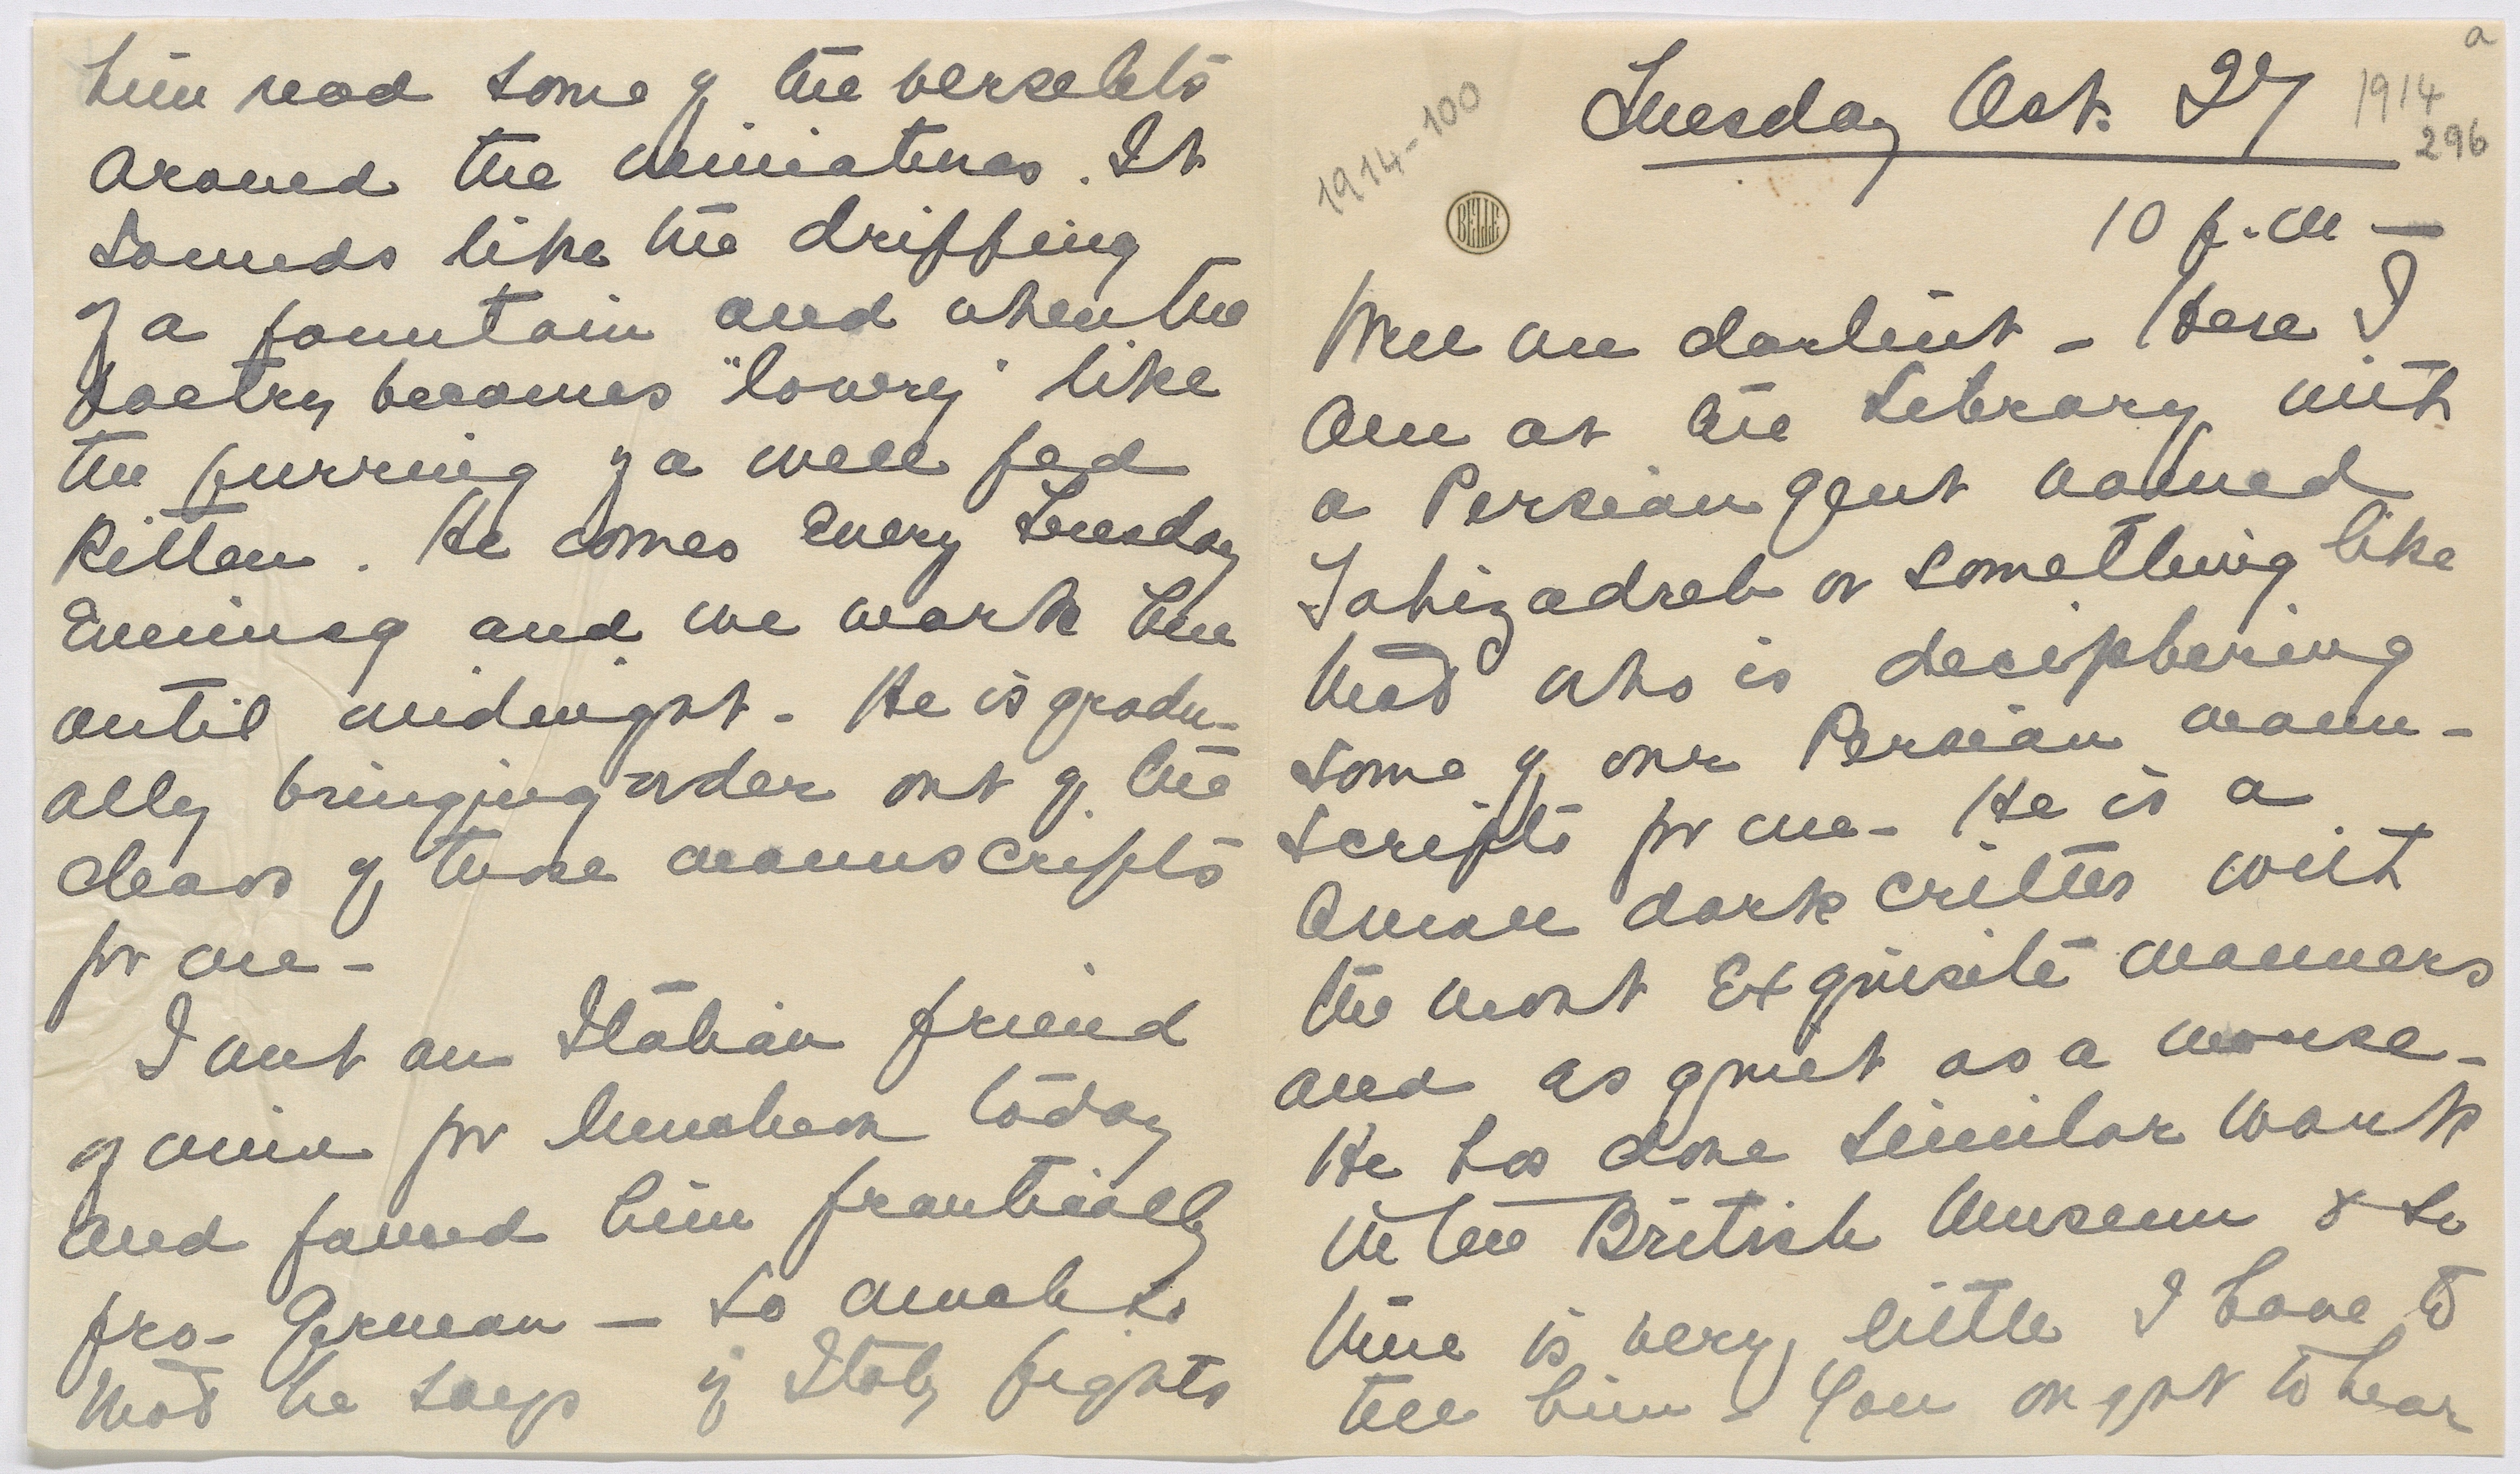Tuesday Oct. 27
10 p.m –
Well me darlint – Here I am at the Library with a Persian gent named Tahizadreb or something that that who is deciphering some of our Persian manuscript for me – He is a small dark critter with the most exquisite manners and as quiet as a mouse – He has done similar work in the British Museum & so there is very little I have to tell him – You ought to hear
him read some of the verselets around the miniatures. It sounds like the dripping of a fountain and when the poetry becomes “lovery” like the purring of a well fed kitten. He comes every Tuesday evening and we work here until midnight – He is gradually bringing order out of the chaos of those manuscripts for me –
I met an Italian friend of mine for luncheon today and found him frantically pro-German – so much so that he says if Italy fights